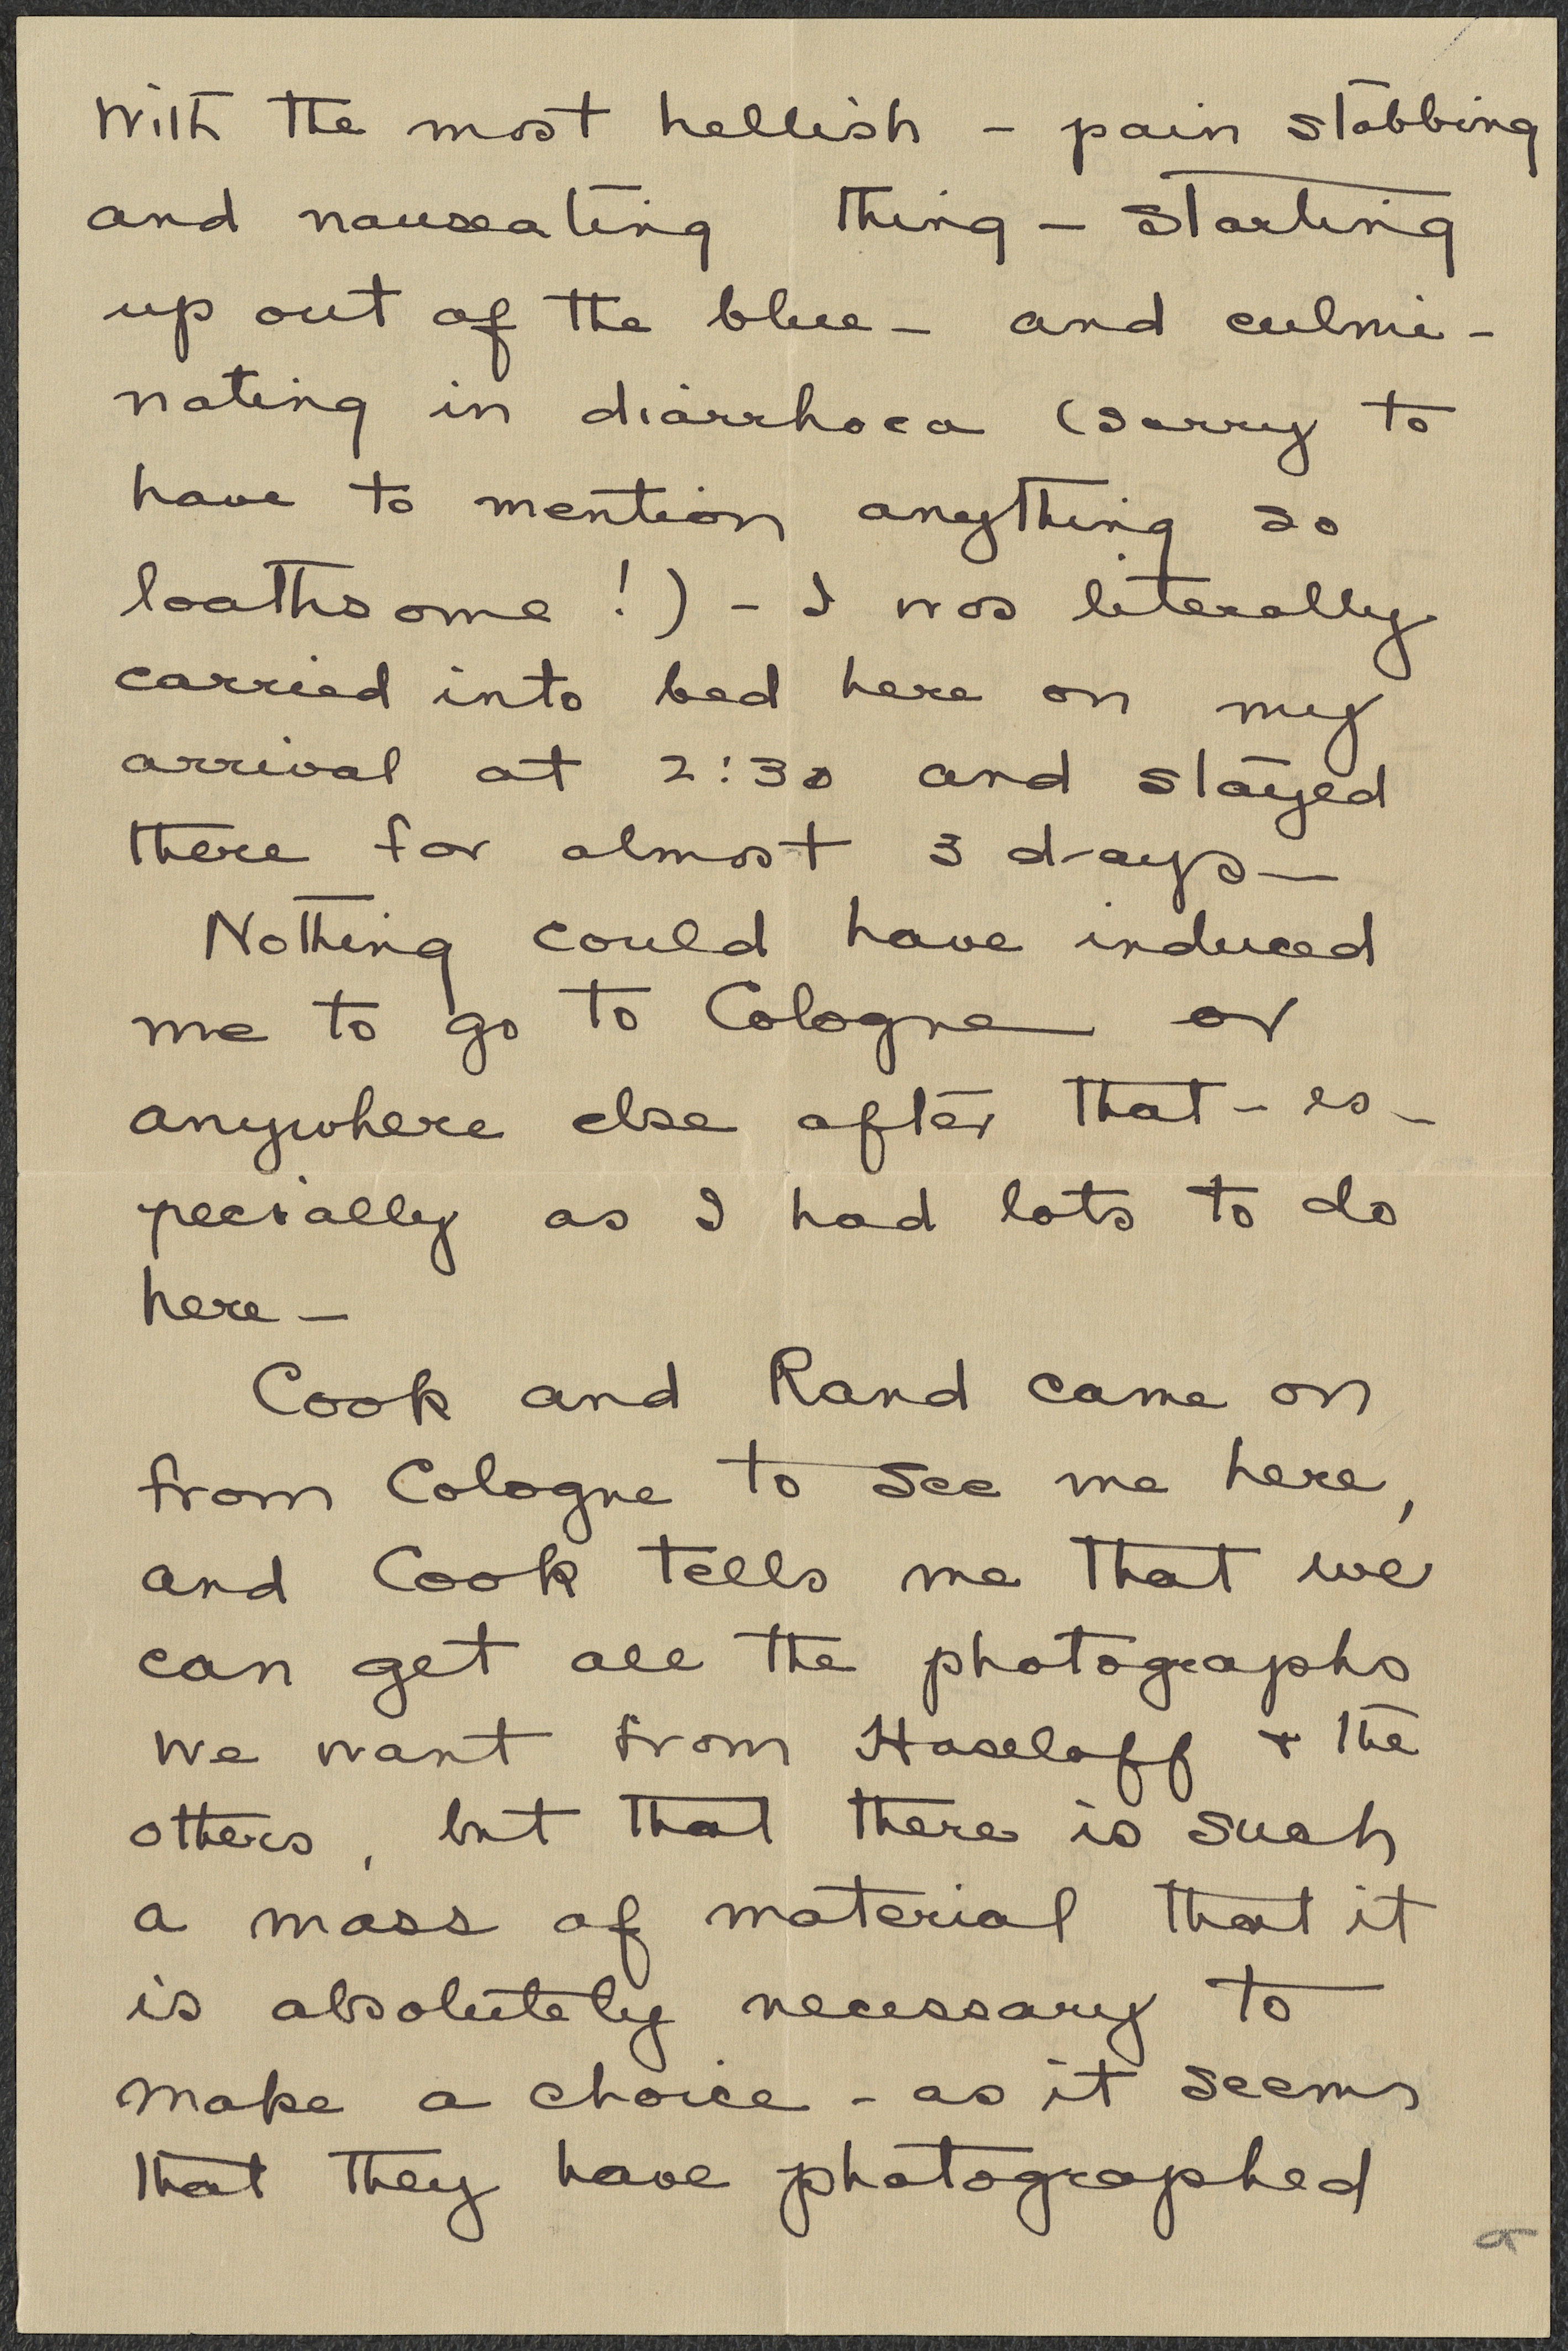with the most hellish – pain stabbing and nauseating thing – starting up out of the blue – and culminating in diarrhoea (sorry to have to mention anything so loathsome!) – I was literally carried into bed here on my arrival at 2:30 and stayed there for almost 3 days –
Nothing could have induced me to go to Cologne or anywhere else after that – especially as I had lots to do here –
Cook and Rand came on from Cologne to see me here, and Cook tells me that we can get get all the photographs we want from Haseloff & the others, but that there is such a mass of material that it is absolutely necessary to make a choice – as it seems that they have photographed